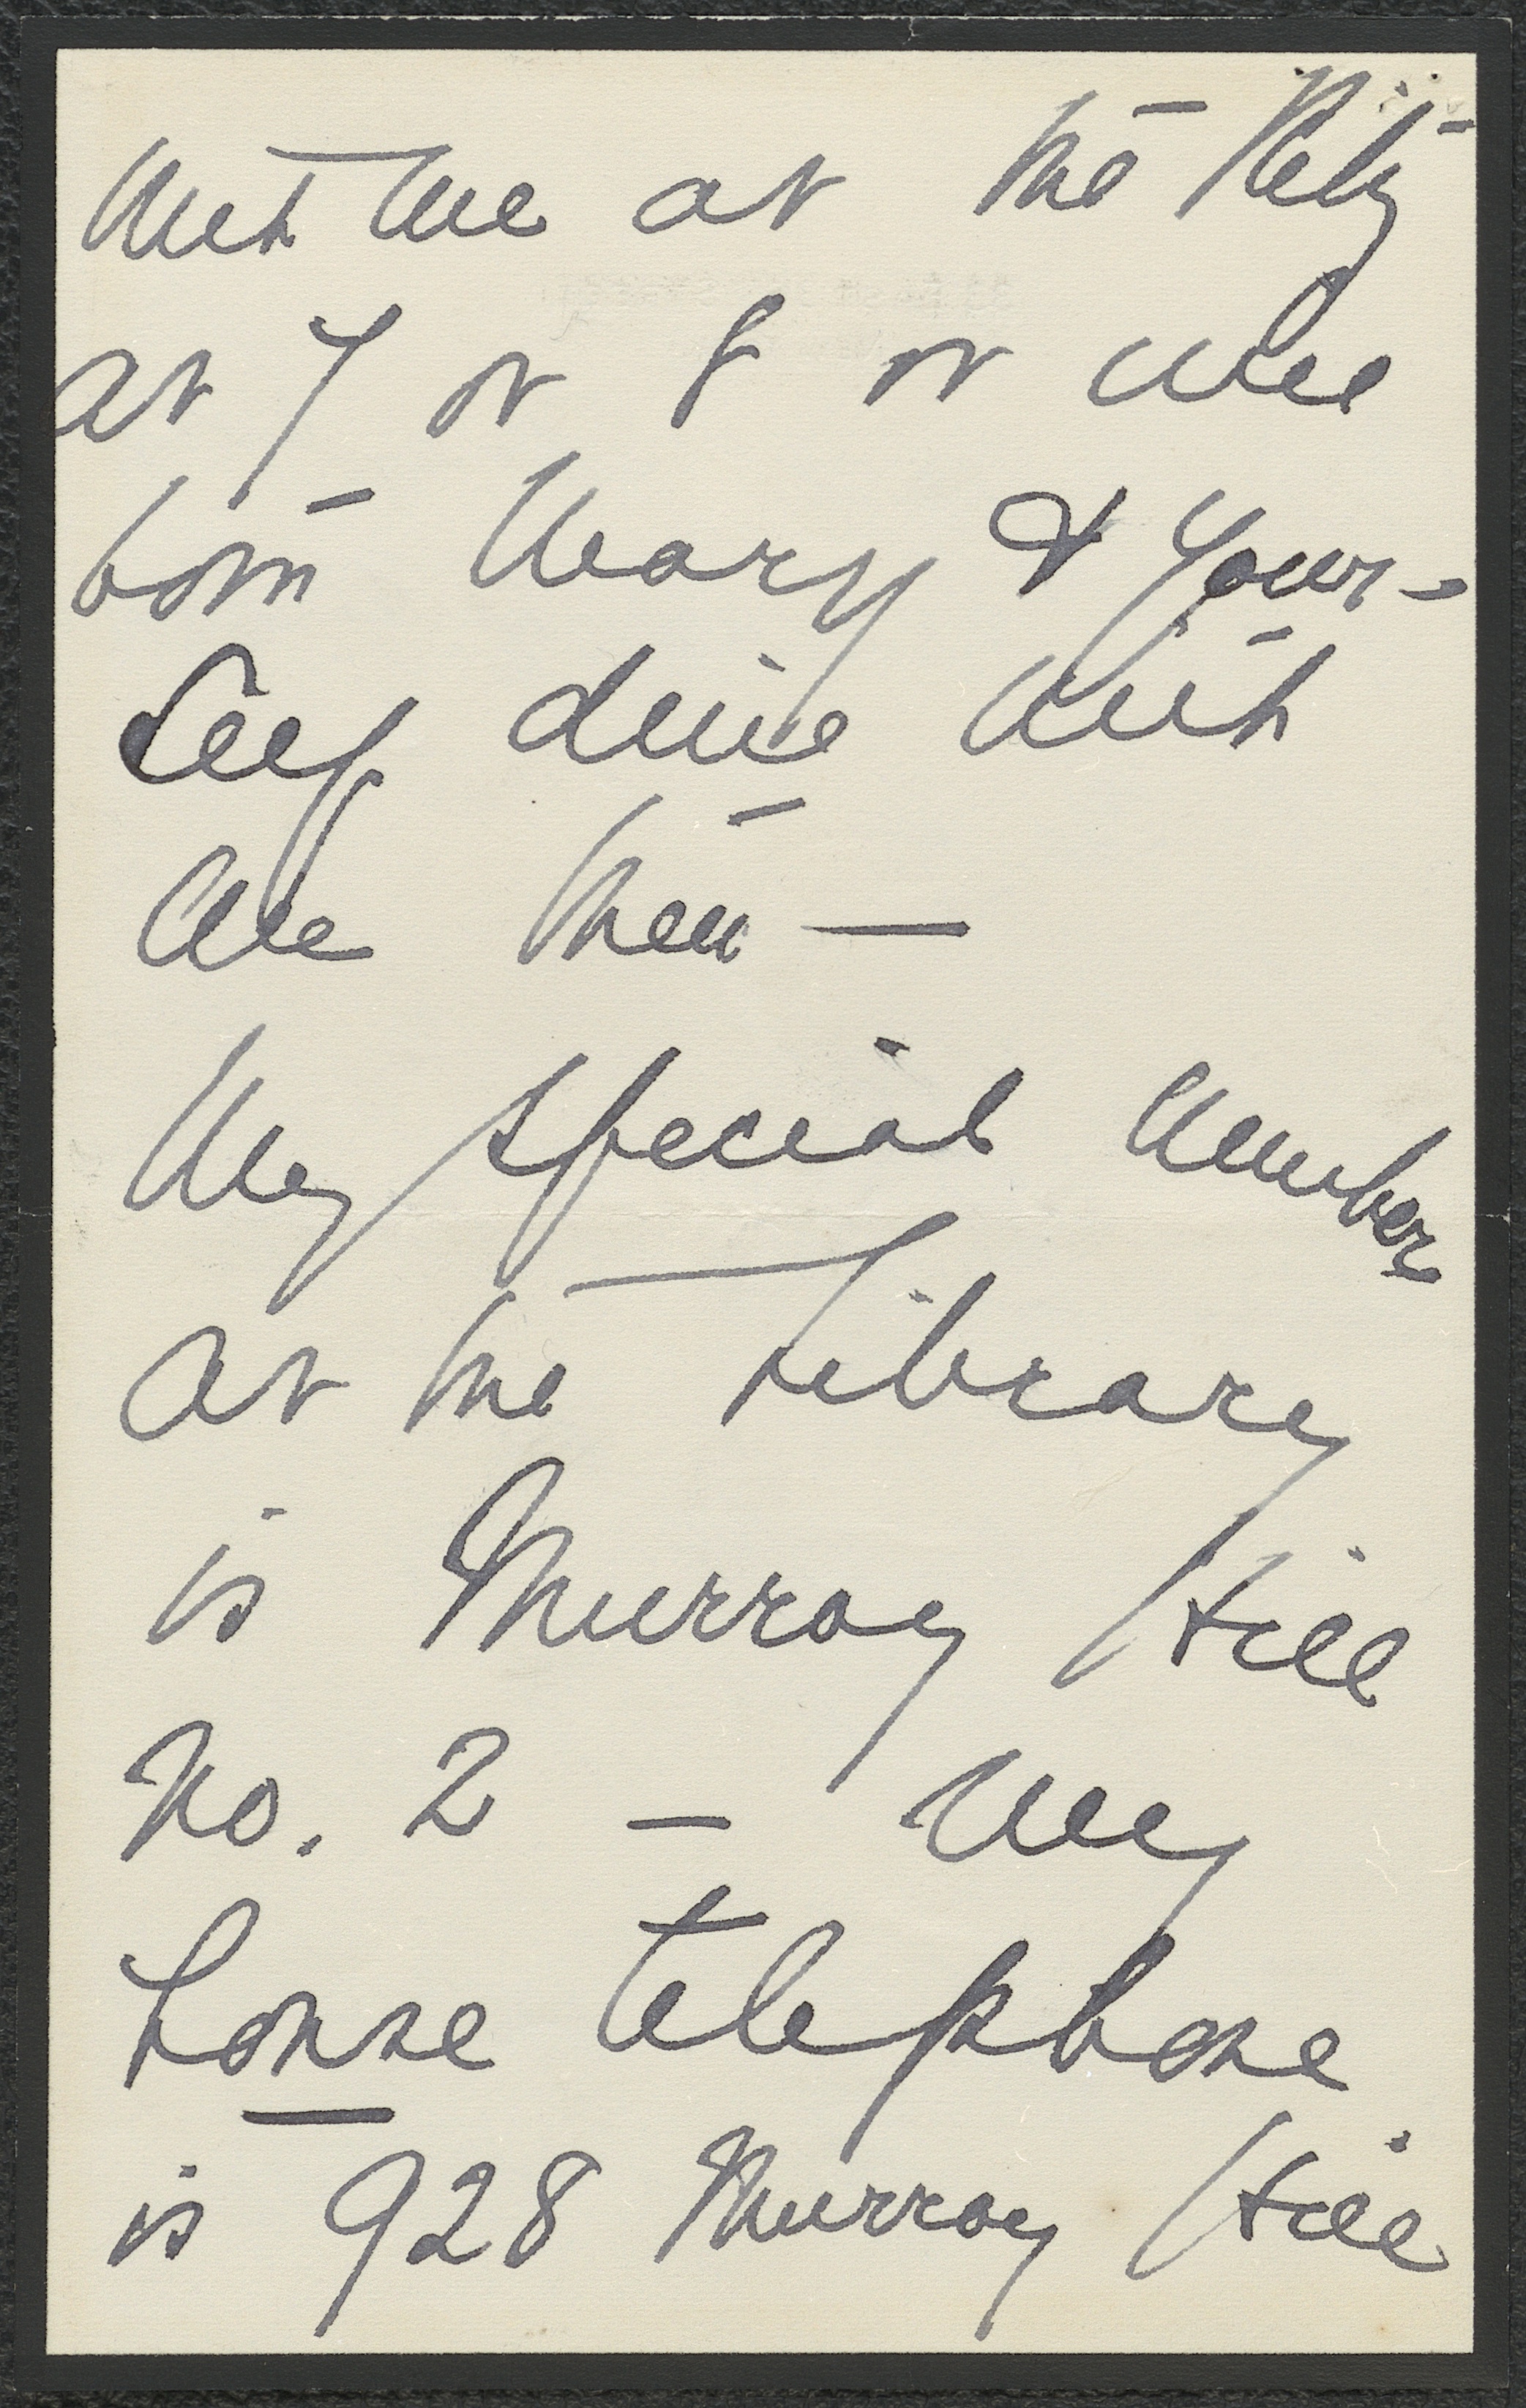with me at the Ritz at 7 or 8 or will both Mary & Yourself dine with me then –
My special number at the Library is Murray Hill No. 2 – My house telephone is 928 Murray Hill